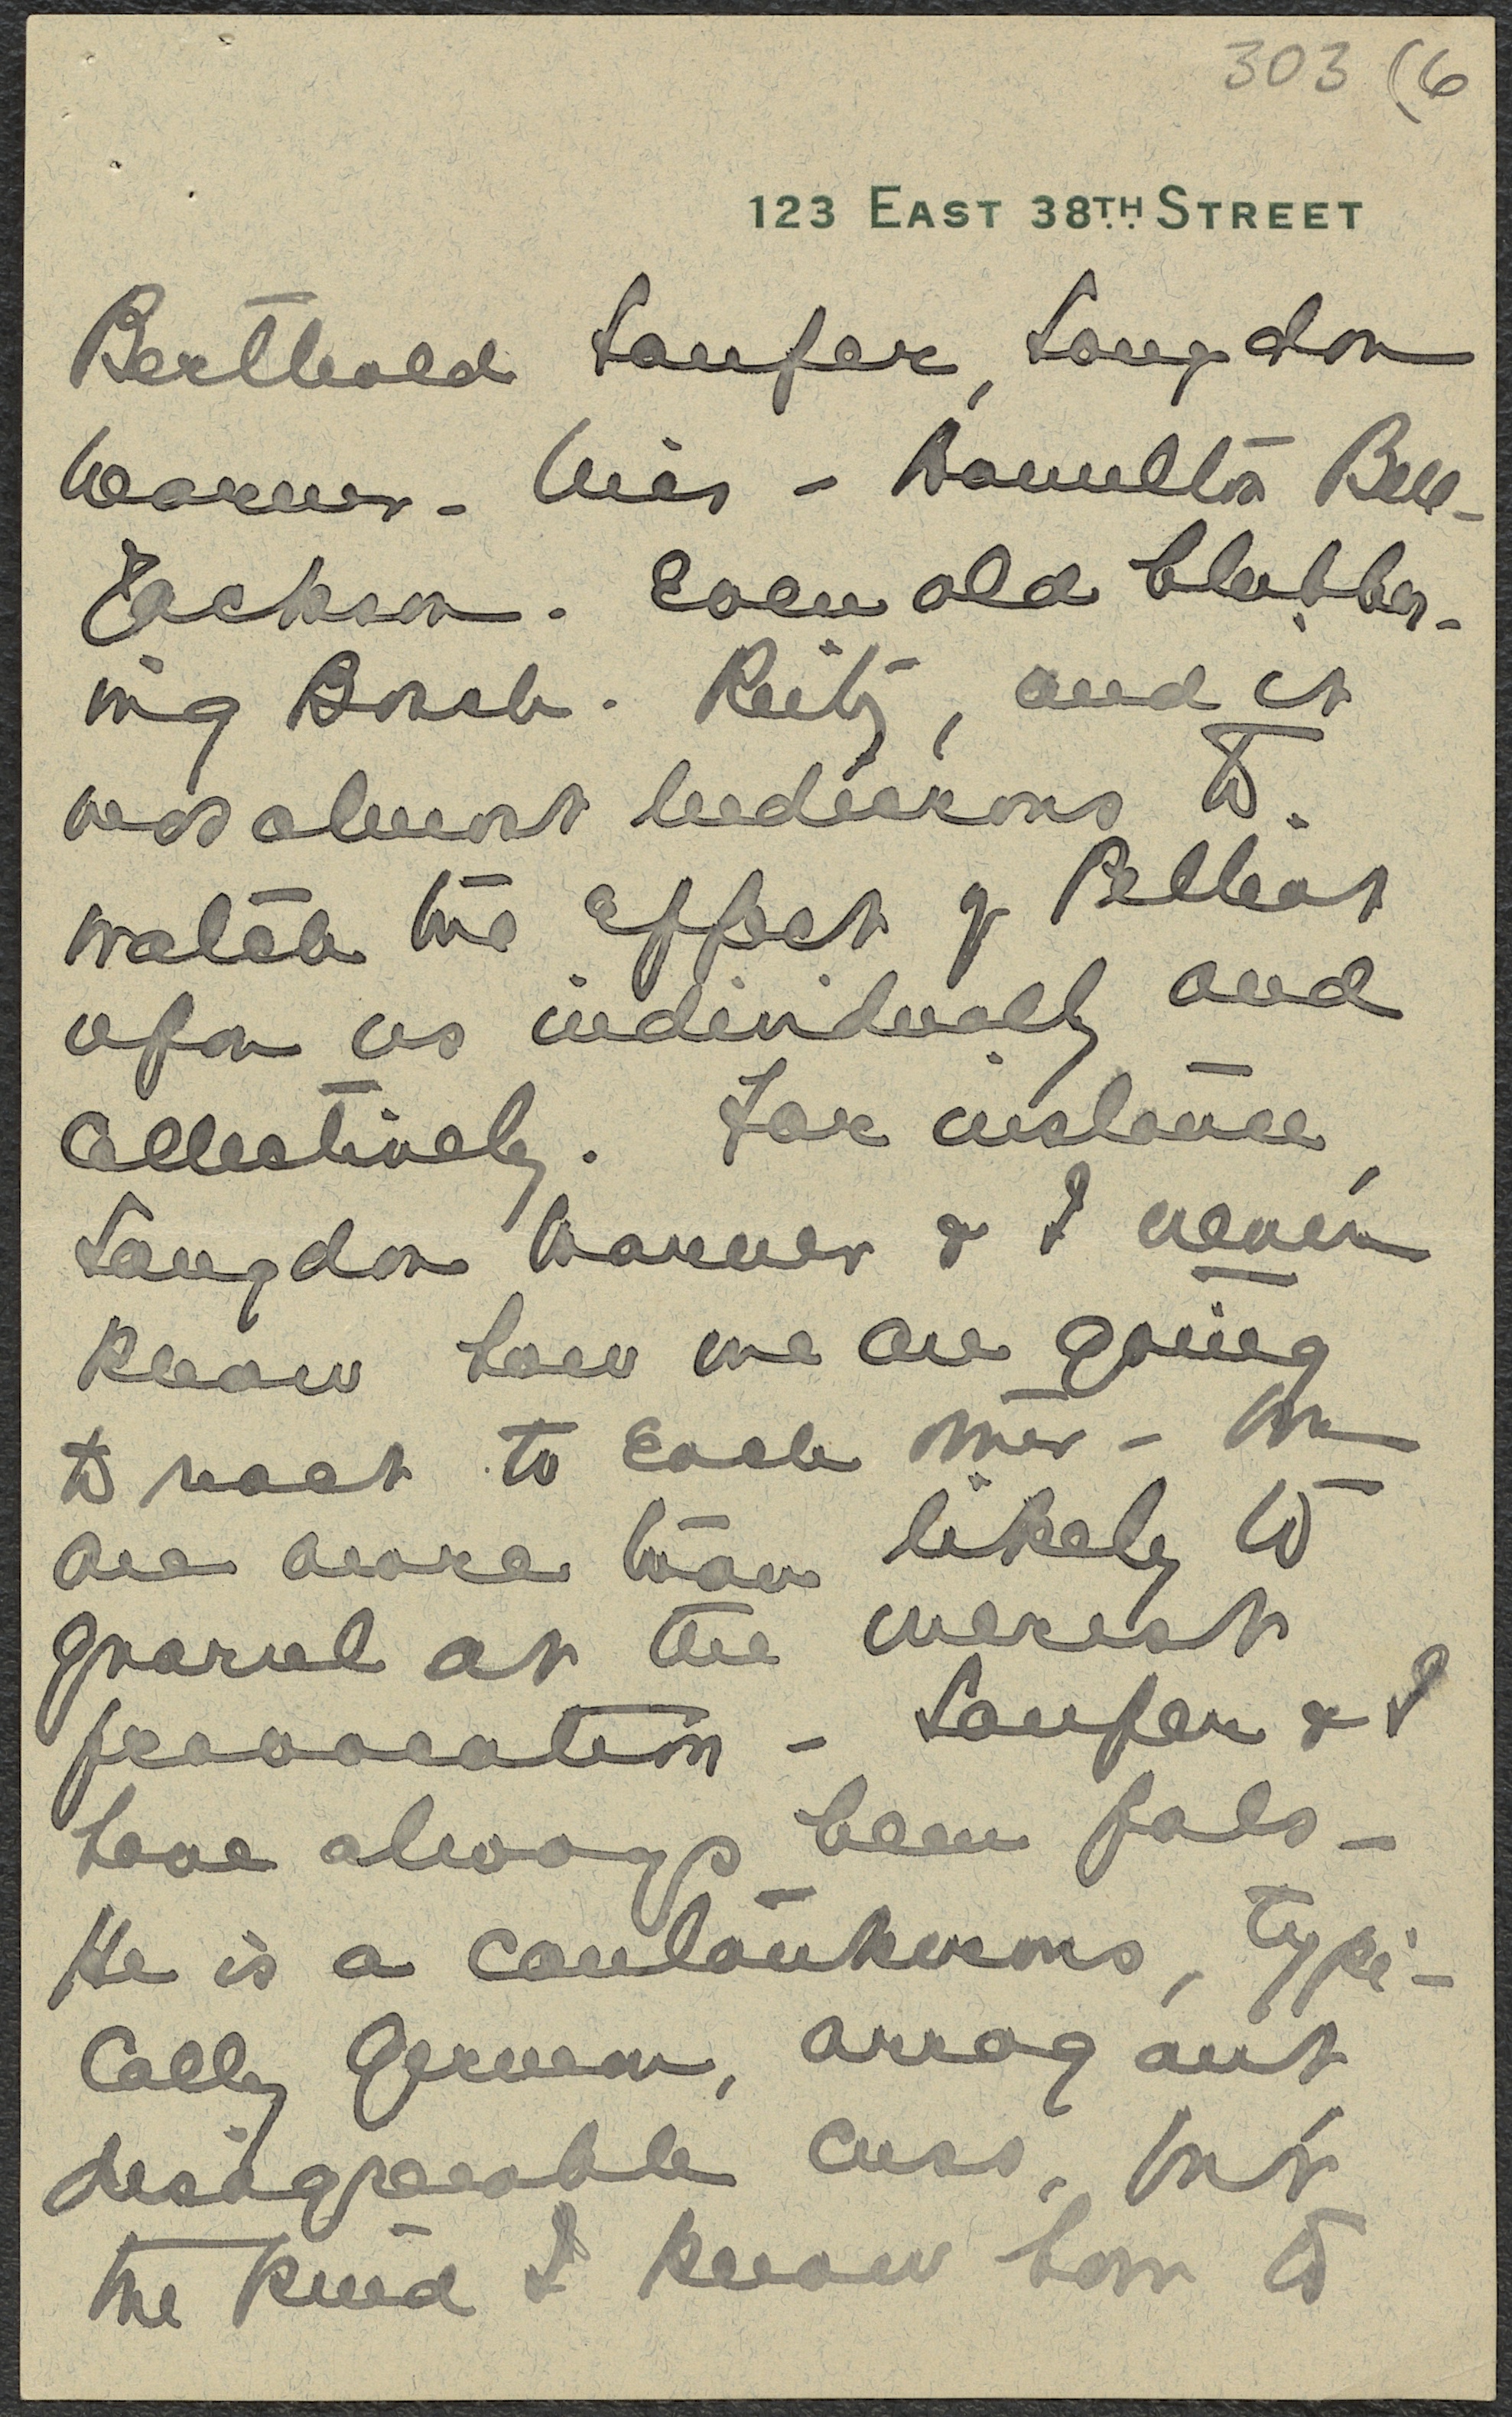Berthold Sanfer, Langdon Warner – Nies – Hamilton Bell – Jackson. Even old blubbering Bosch-Reitz, and it was almost ludicrous to watch the effect of Pelliot upon us individually and collectively. For instance, Langdon Warner & I never know how we are going to react to each other – we are more than likely to quarrel at the merest provocation – Laufer & I have always been pals – He is a cantankerous, typically German, arrogant disagreeable cuss, but he kind I know how to